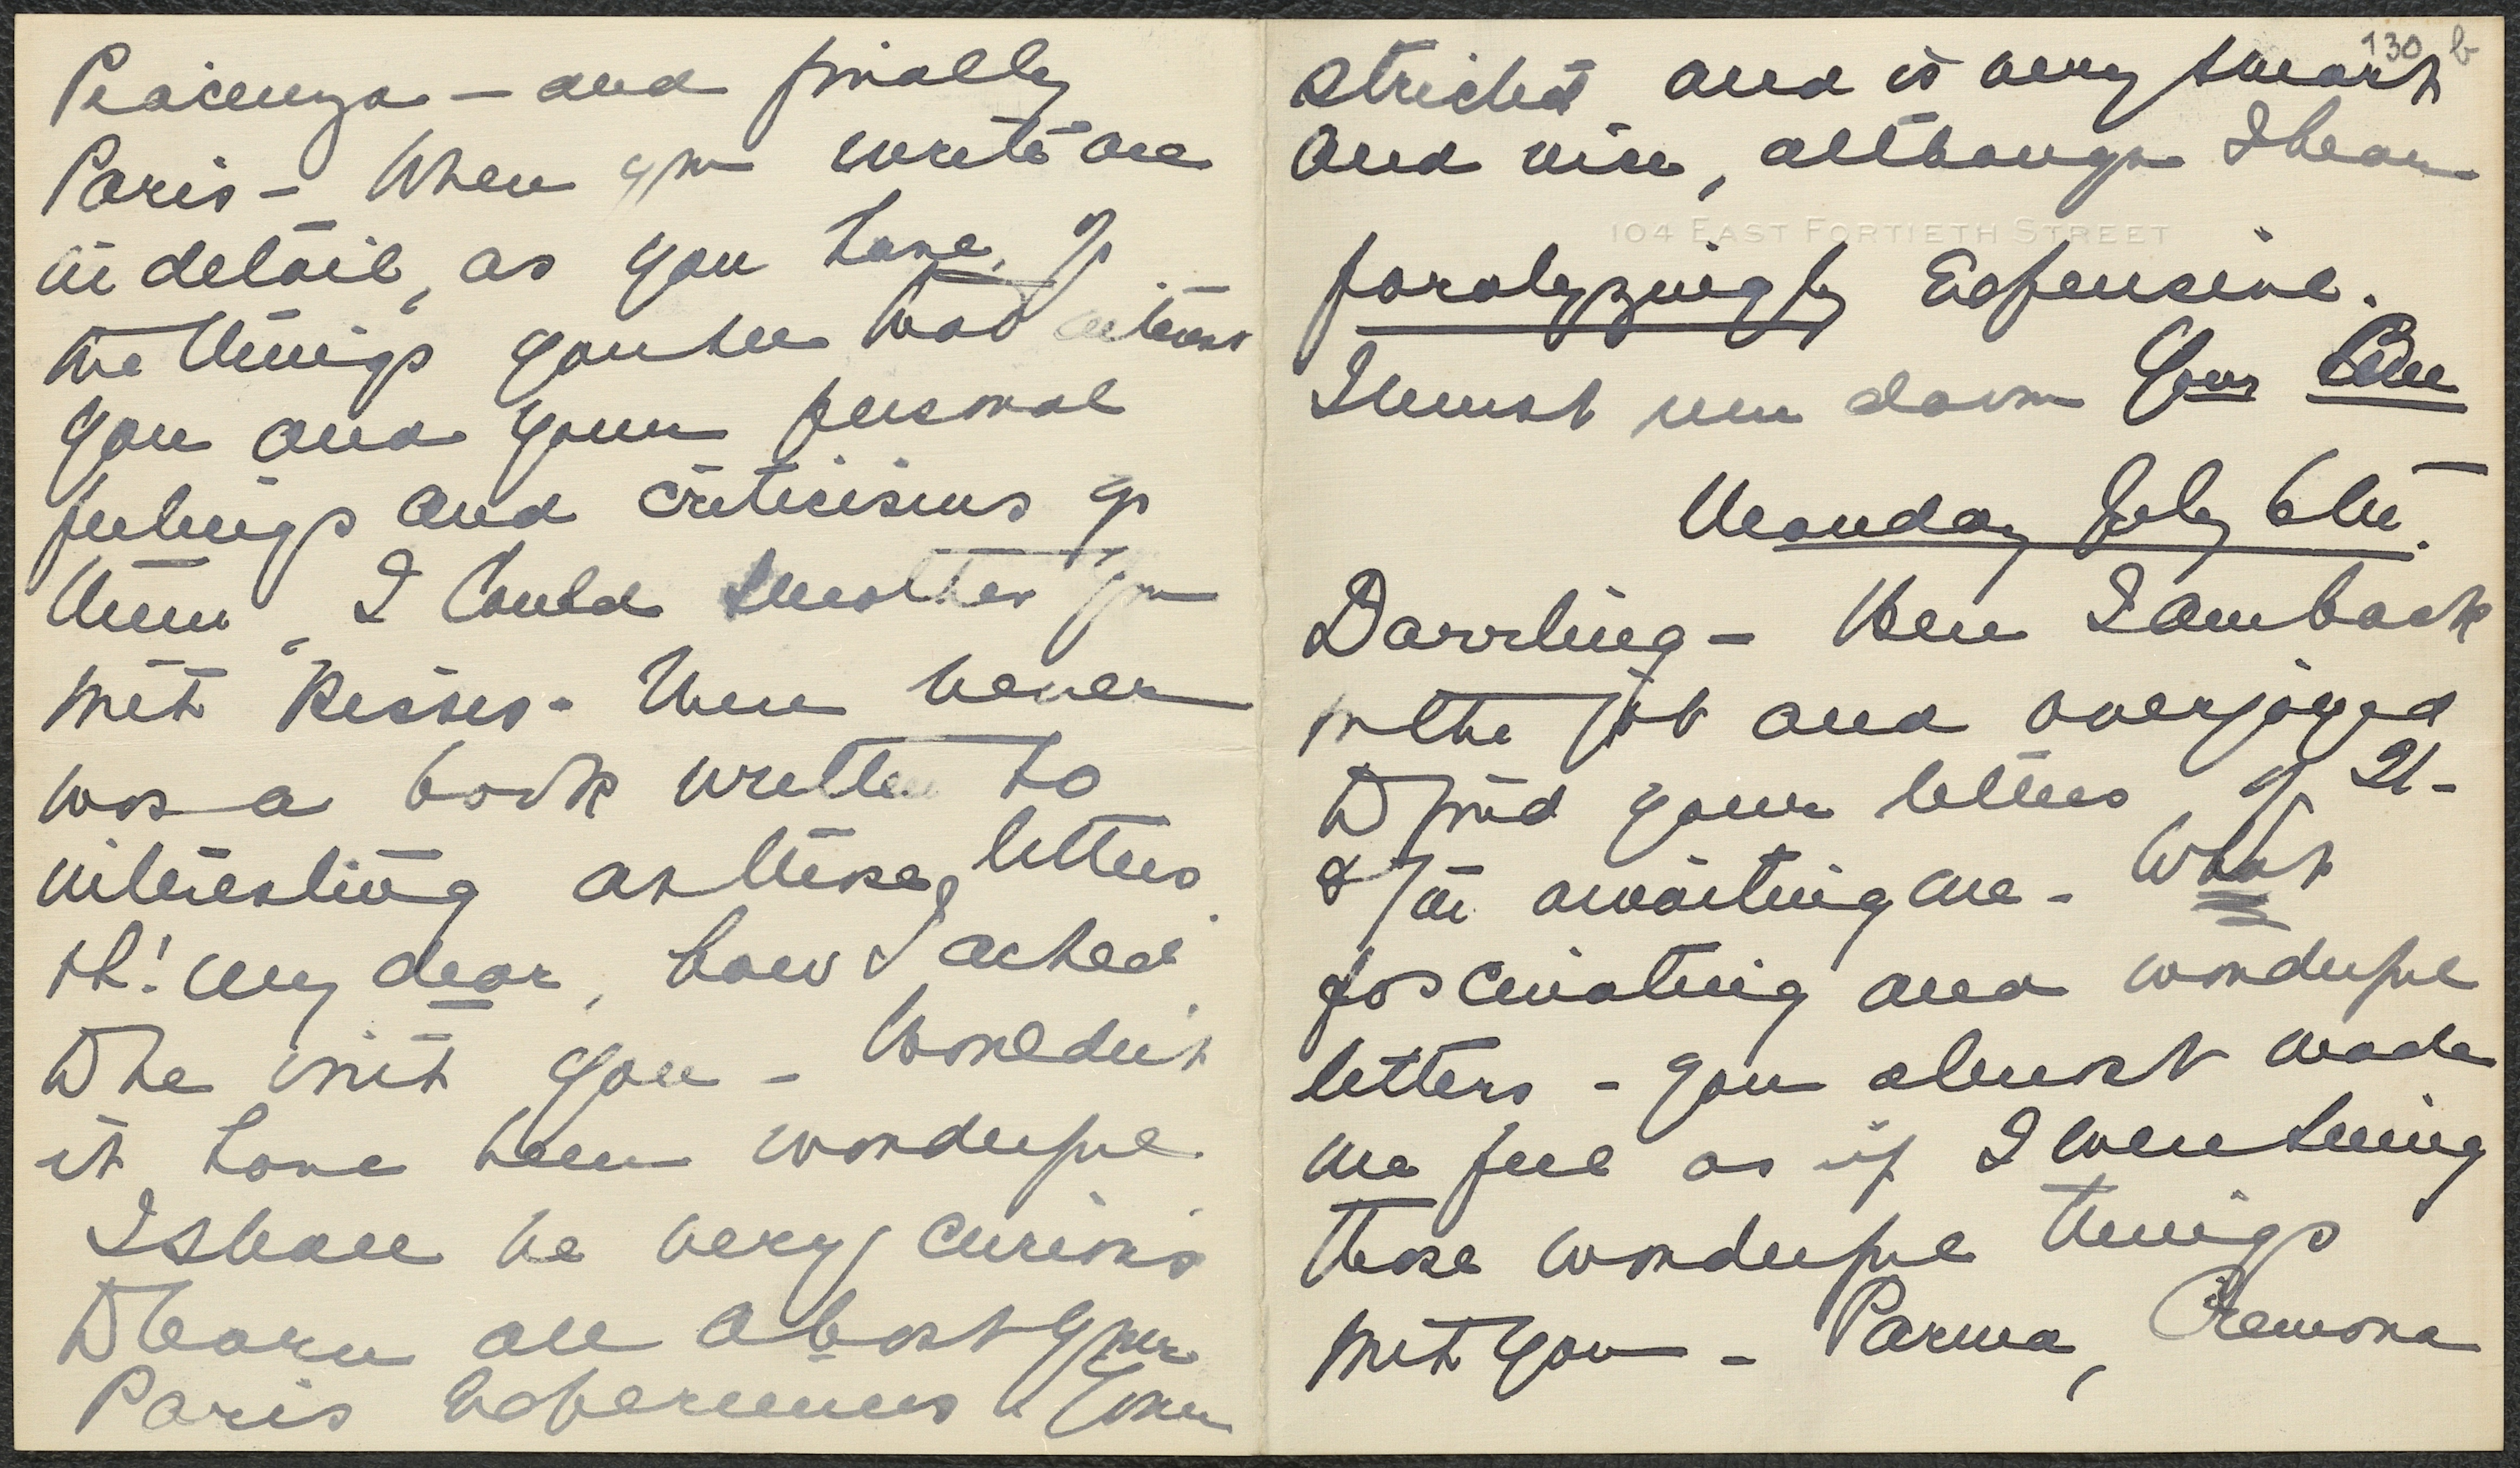restricted and is very smart and nice, although I hear paralyzingly expensive. I must run down Your Belle
Monday, July 6
Darrling – Here I am back for the job and overjoyed to find your letters of 21 – & 7th awaiting me – [quadruple underlined: What] fascinating and wonderful letters – you almost made me feel as if I were seeing those wonderful things with you – Parma, Cremona
Piacenza – and finally Paris – When you write all in detail, as you have, of the things you see that interest you and your personal feelings and criticisms of them, I could smother you with kisses – There never was a book written so interesting as those letters. oh! my dear, how I ached to be with you – wouldn’t it have been wonderful. I shall be very curious to learn all about your Paris experiences your